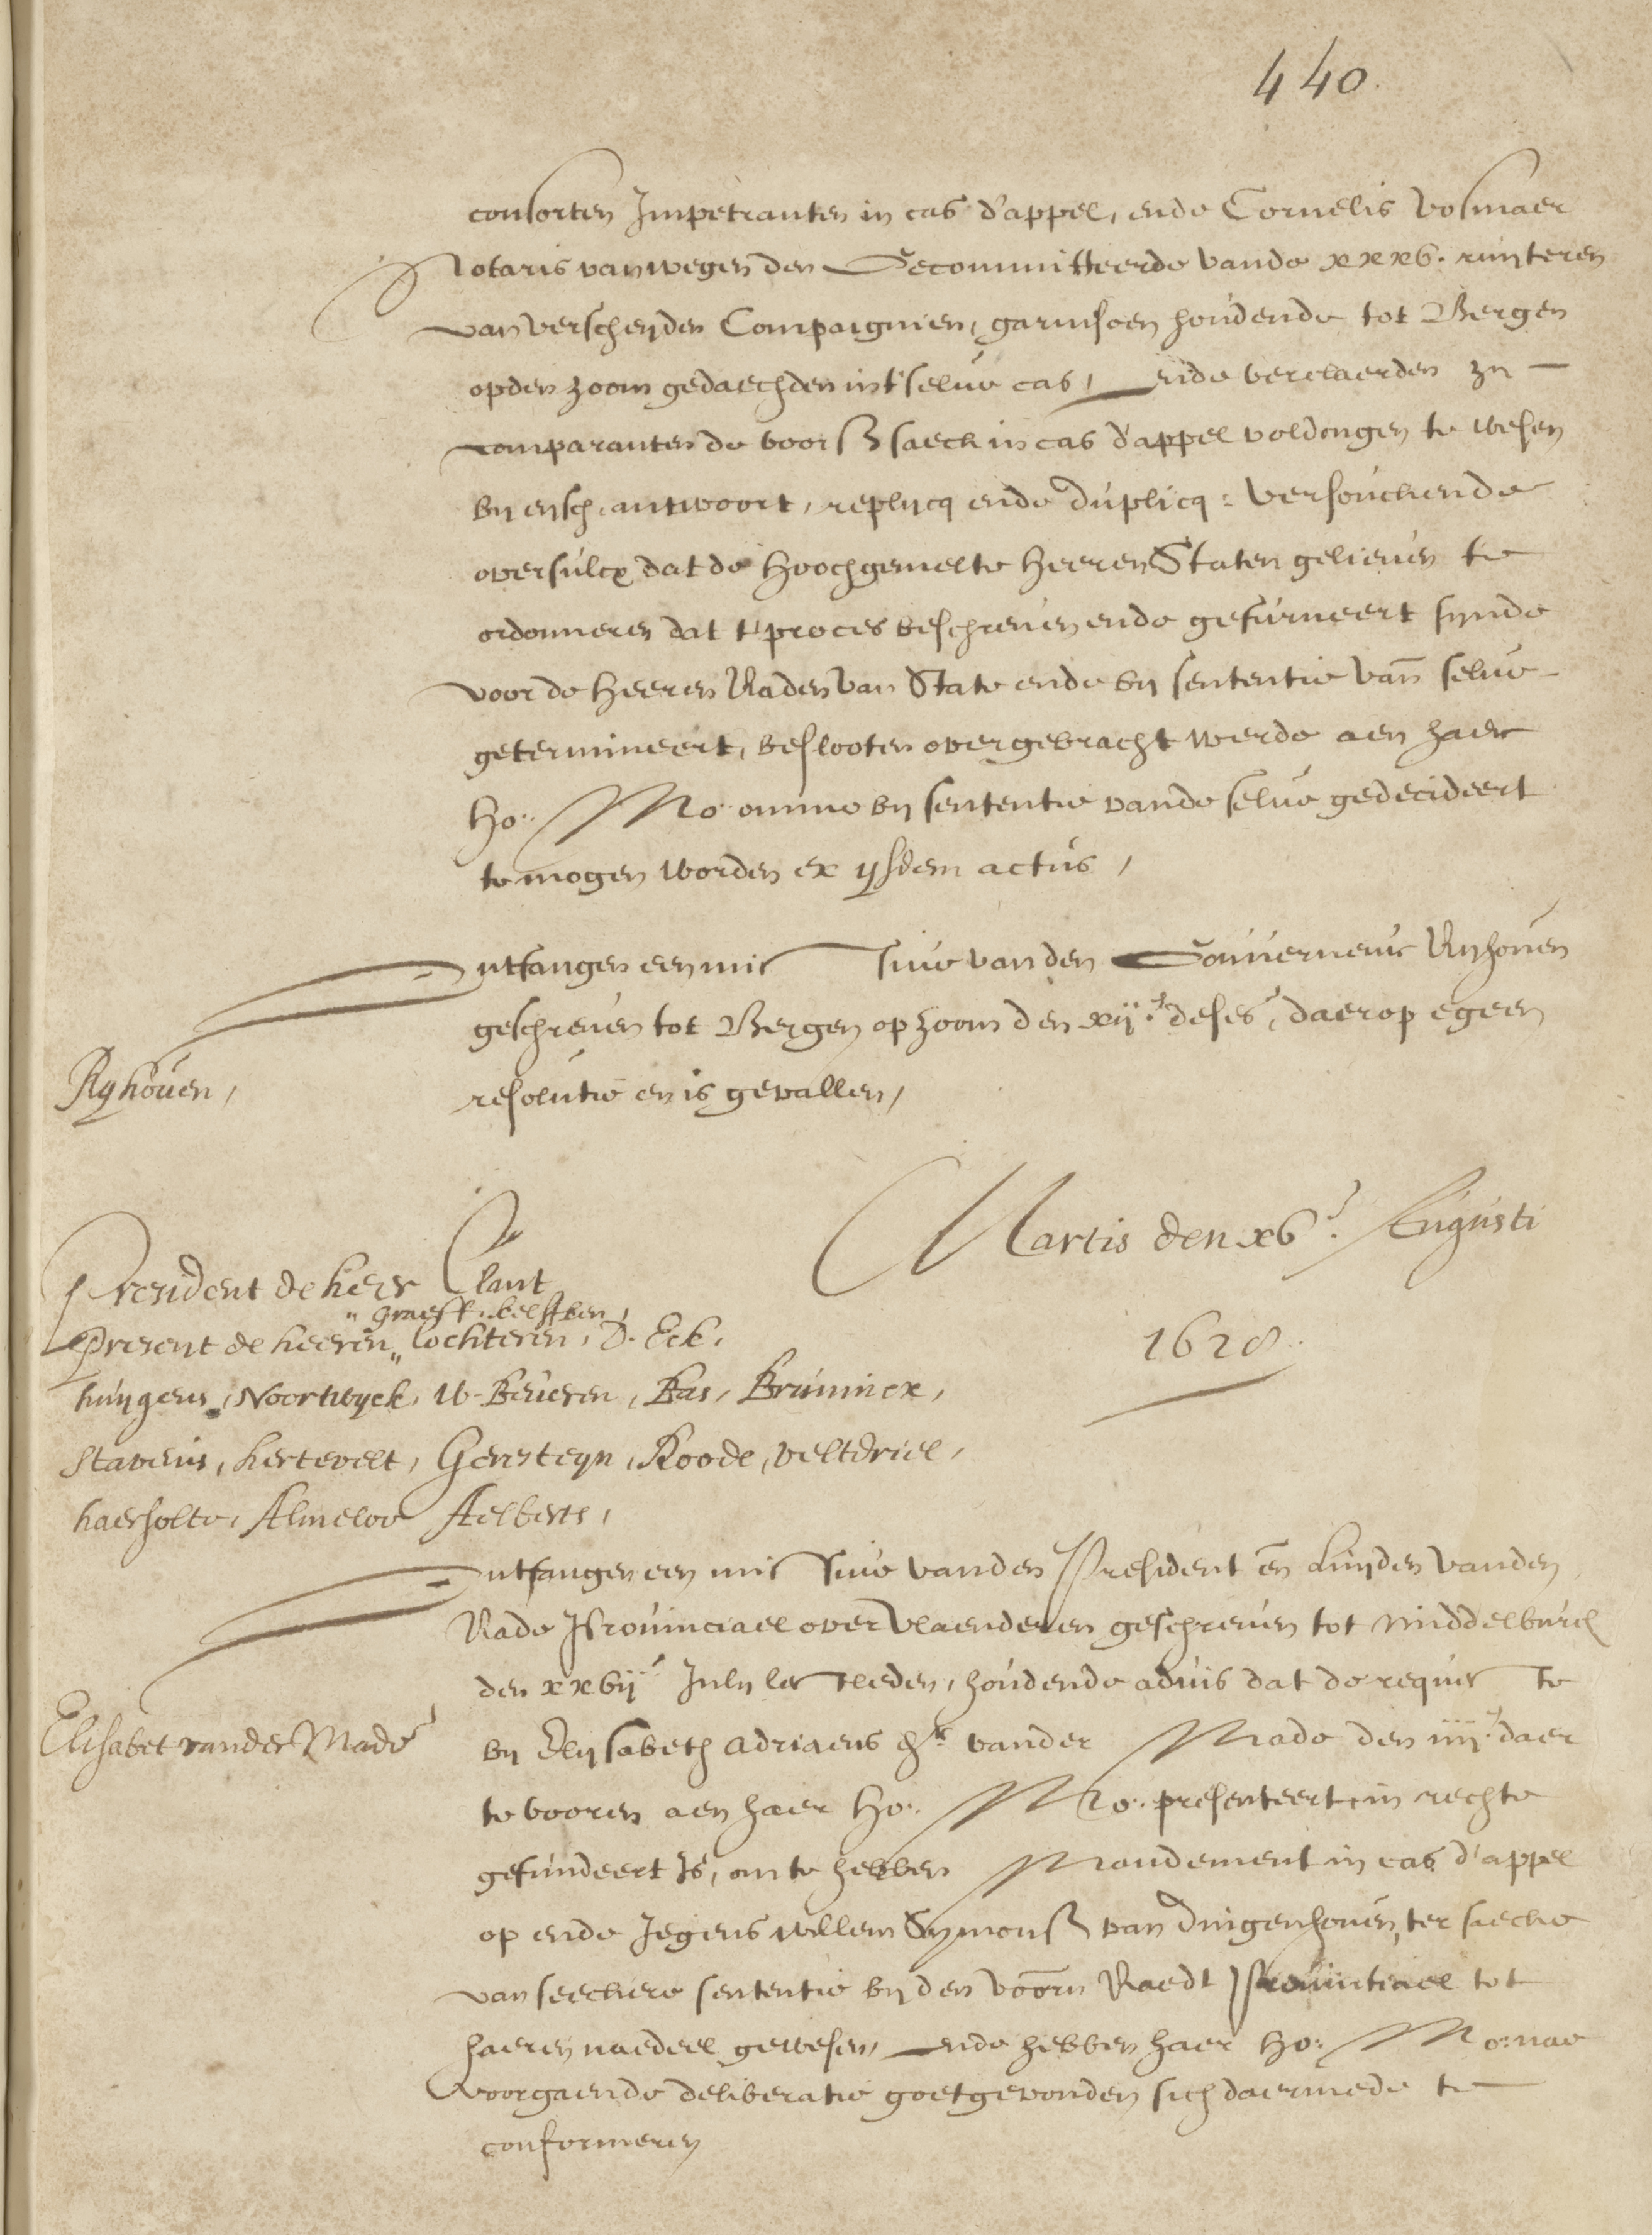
440.
consorten Impetranten in cas d'appel, ende Cornelis vosmaer
Notaris van wegen den Gecommitteerde vande xxxv. ruyteren
van verscheyden Compaignien, garnisoen houdende tot Bergen
opden zoom gedaechden in t'selue cas, ende verclaerden zy
comparanten de voors saeck in cas d'appel voldongen te wesen
by eysch, antwoort, replycq ende duplicq: Versouckende
oversulcx dat de hoochgemelte heeren Staten gelieuen te
ordonneren dat t' proces beschreuen ende gefurneert synde,
voor de heeren Raden van State ende by sententie van selue
getermineert, beslooten overgebracht werde aen haer
ho:Mo: omme by sententie vande selue gedecideert
te mogen worden ex ysdem actus.
Ryhouen.
Ontfangen een missiue van den Gouuerneur Ryhouen
geschreuen tot Bergen op zoom den xijen. deses, daerop egeen
resolutie en is gevallen.
Martis den xven. Augusti
1628.
President de heer Clant
,,Graeff, Kelffken
Present de heeren,, lochteren, D. Eck,
huygens Noortwyck, V. Brienen, Bas, Brunincx,
Stavenis, hertevelt, Geresteyn, Roode, Veltdriel,
haersolto, Almeloo, Aelberts,
Elisabet vander Made
Ontfangen een missiue vanden President en Luyden vanden
Rade Prouinciael over Vlaenderen geschreuen tot middelburch
den xxvije July lestleden, houdende aduis dat de requeste
by Elysabeth Adriaensdr. vander Made den iiije daer
te vooren aen haer ho:Mo: presenteert, in rechte
gefundeert Is, om te hebben Mandement in cas d'appel
op ende Jegens willem Symonsz van Dingenhouen ter saecke
van seeckere sententie by den voorn Raedt Prouintiael tot
haeren naedeel gewesen, ende hebben haer ho:Mo: nae
voorgaende deliberatie goetgevonden sich daermede te
conformeren
